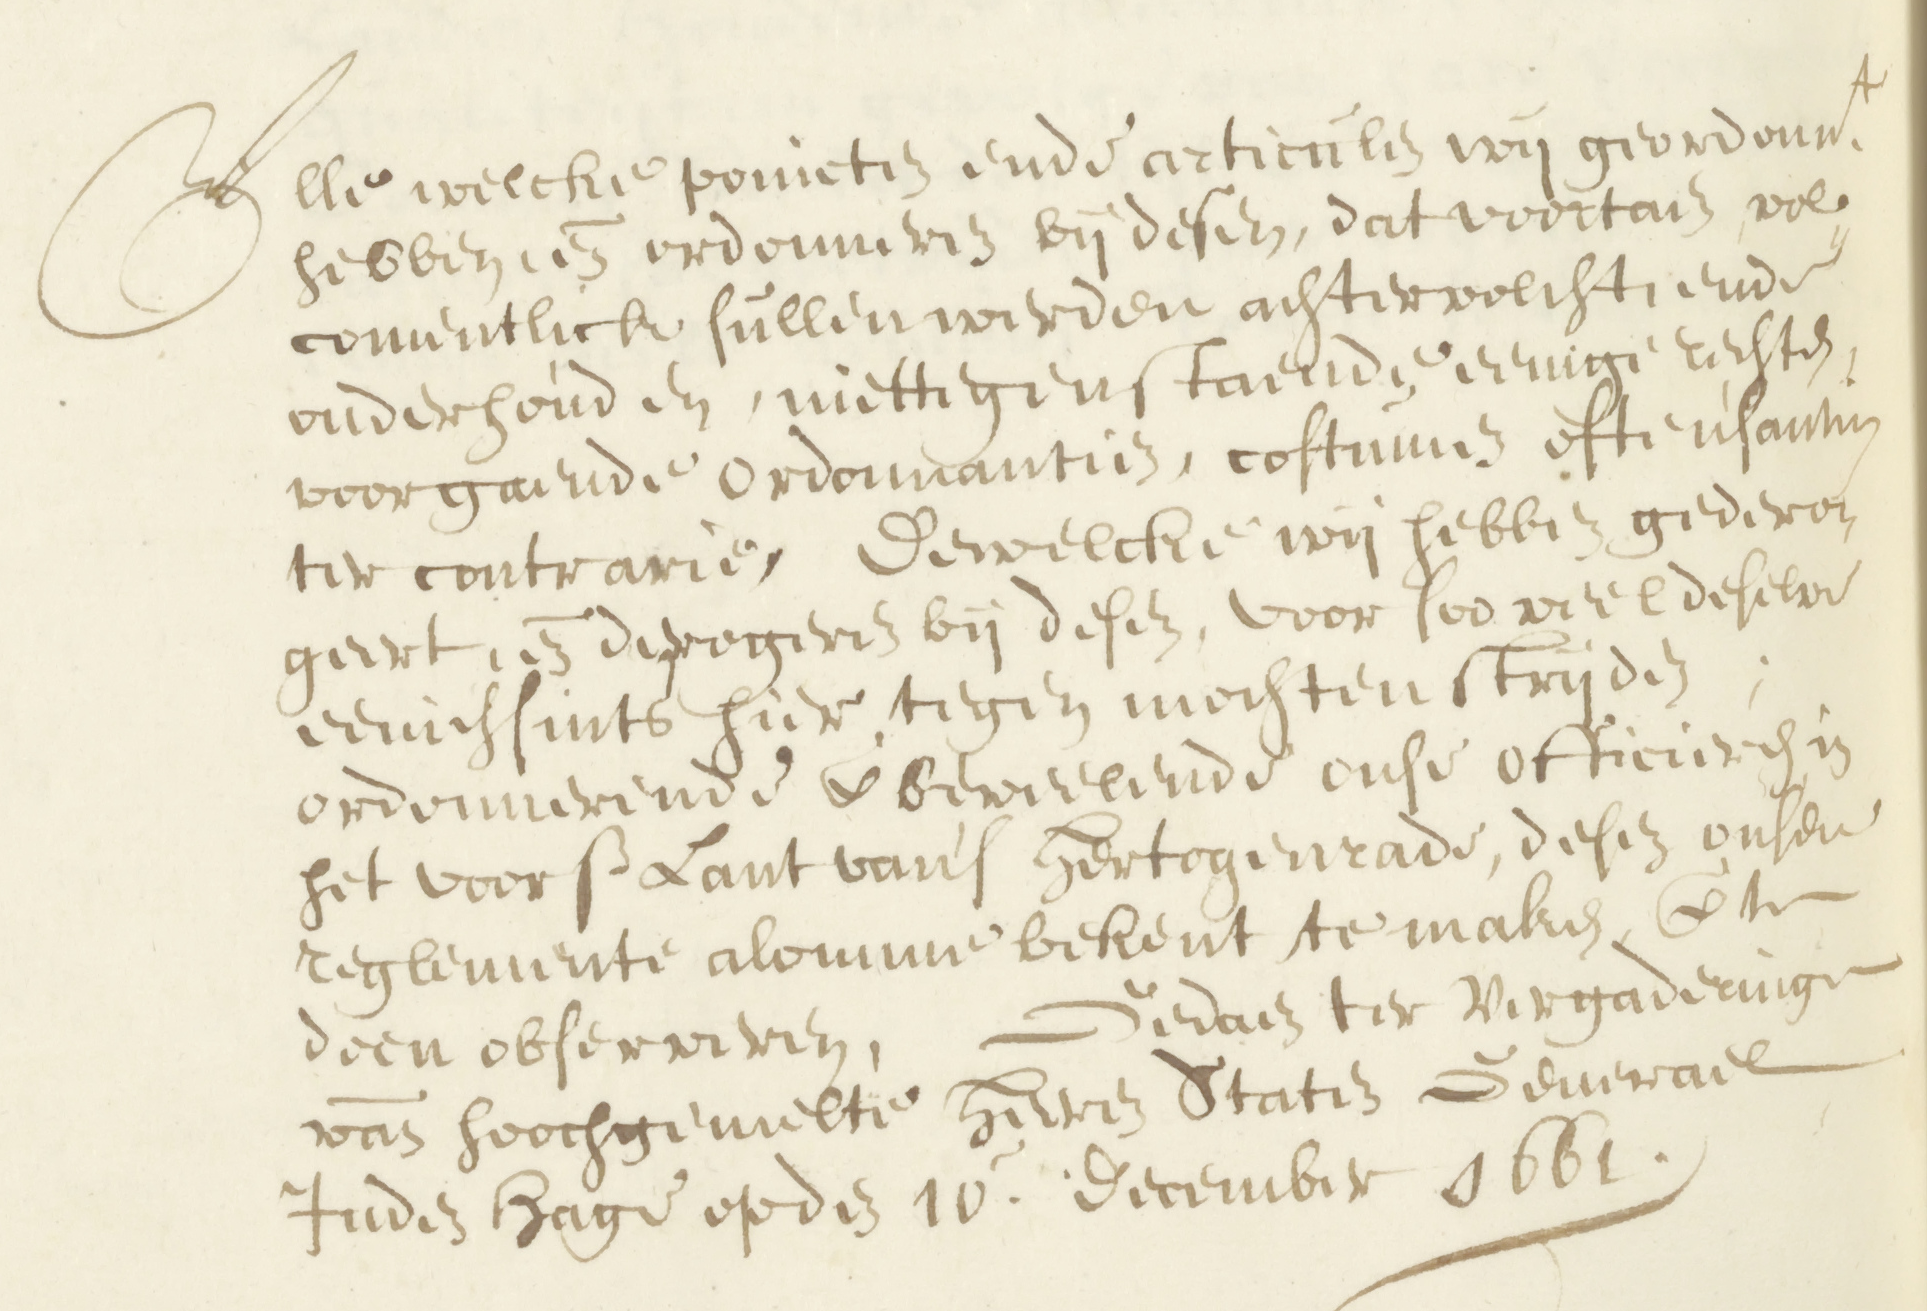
Alle welcke poincten ende articulen wij geordonnt.
hebben, en ordonneren bij desen, dat voortaen vol„
comentlick sullen werden achtervolcht, ende
onderhouden, niettegenstaende eenige rechten
voorgaende Ordonnantien, costumen often usantin
ter contrarie. Dewelcke wij hebben gedero„
geert en derogeren bij desen, voor soo veel deselve
eenichsints hier tegen mochten strijden;
ordonnerende & beveelende onse officieren in
het voors Lant van‛s Hertogenrade, desen onsen
reglemente alomme bekent te maken & te
doen observeren. Gedaen ter Vergaderinge
van hoochgemelte Heeren Staten Generael
Inden Hage opden 10e. December 1661.
